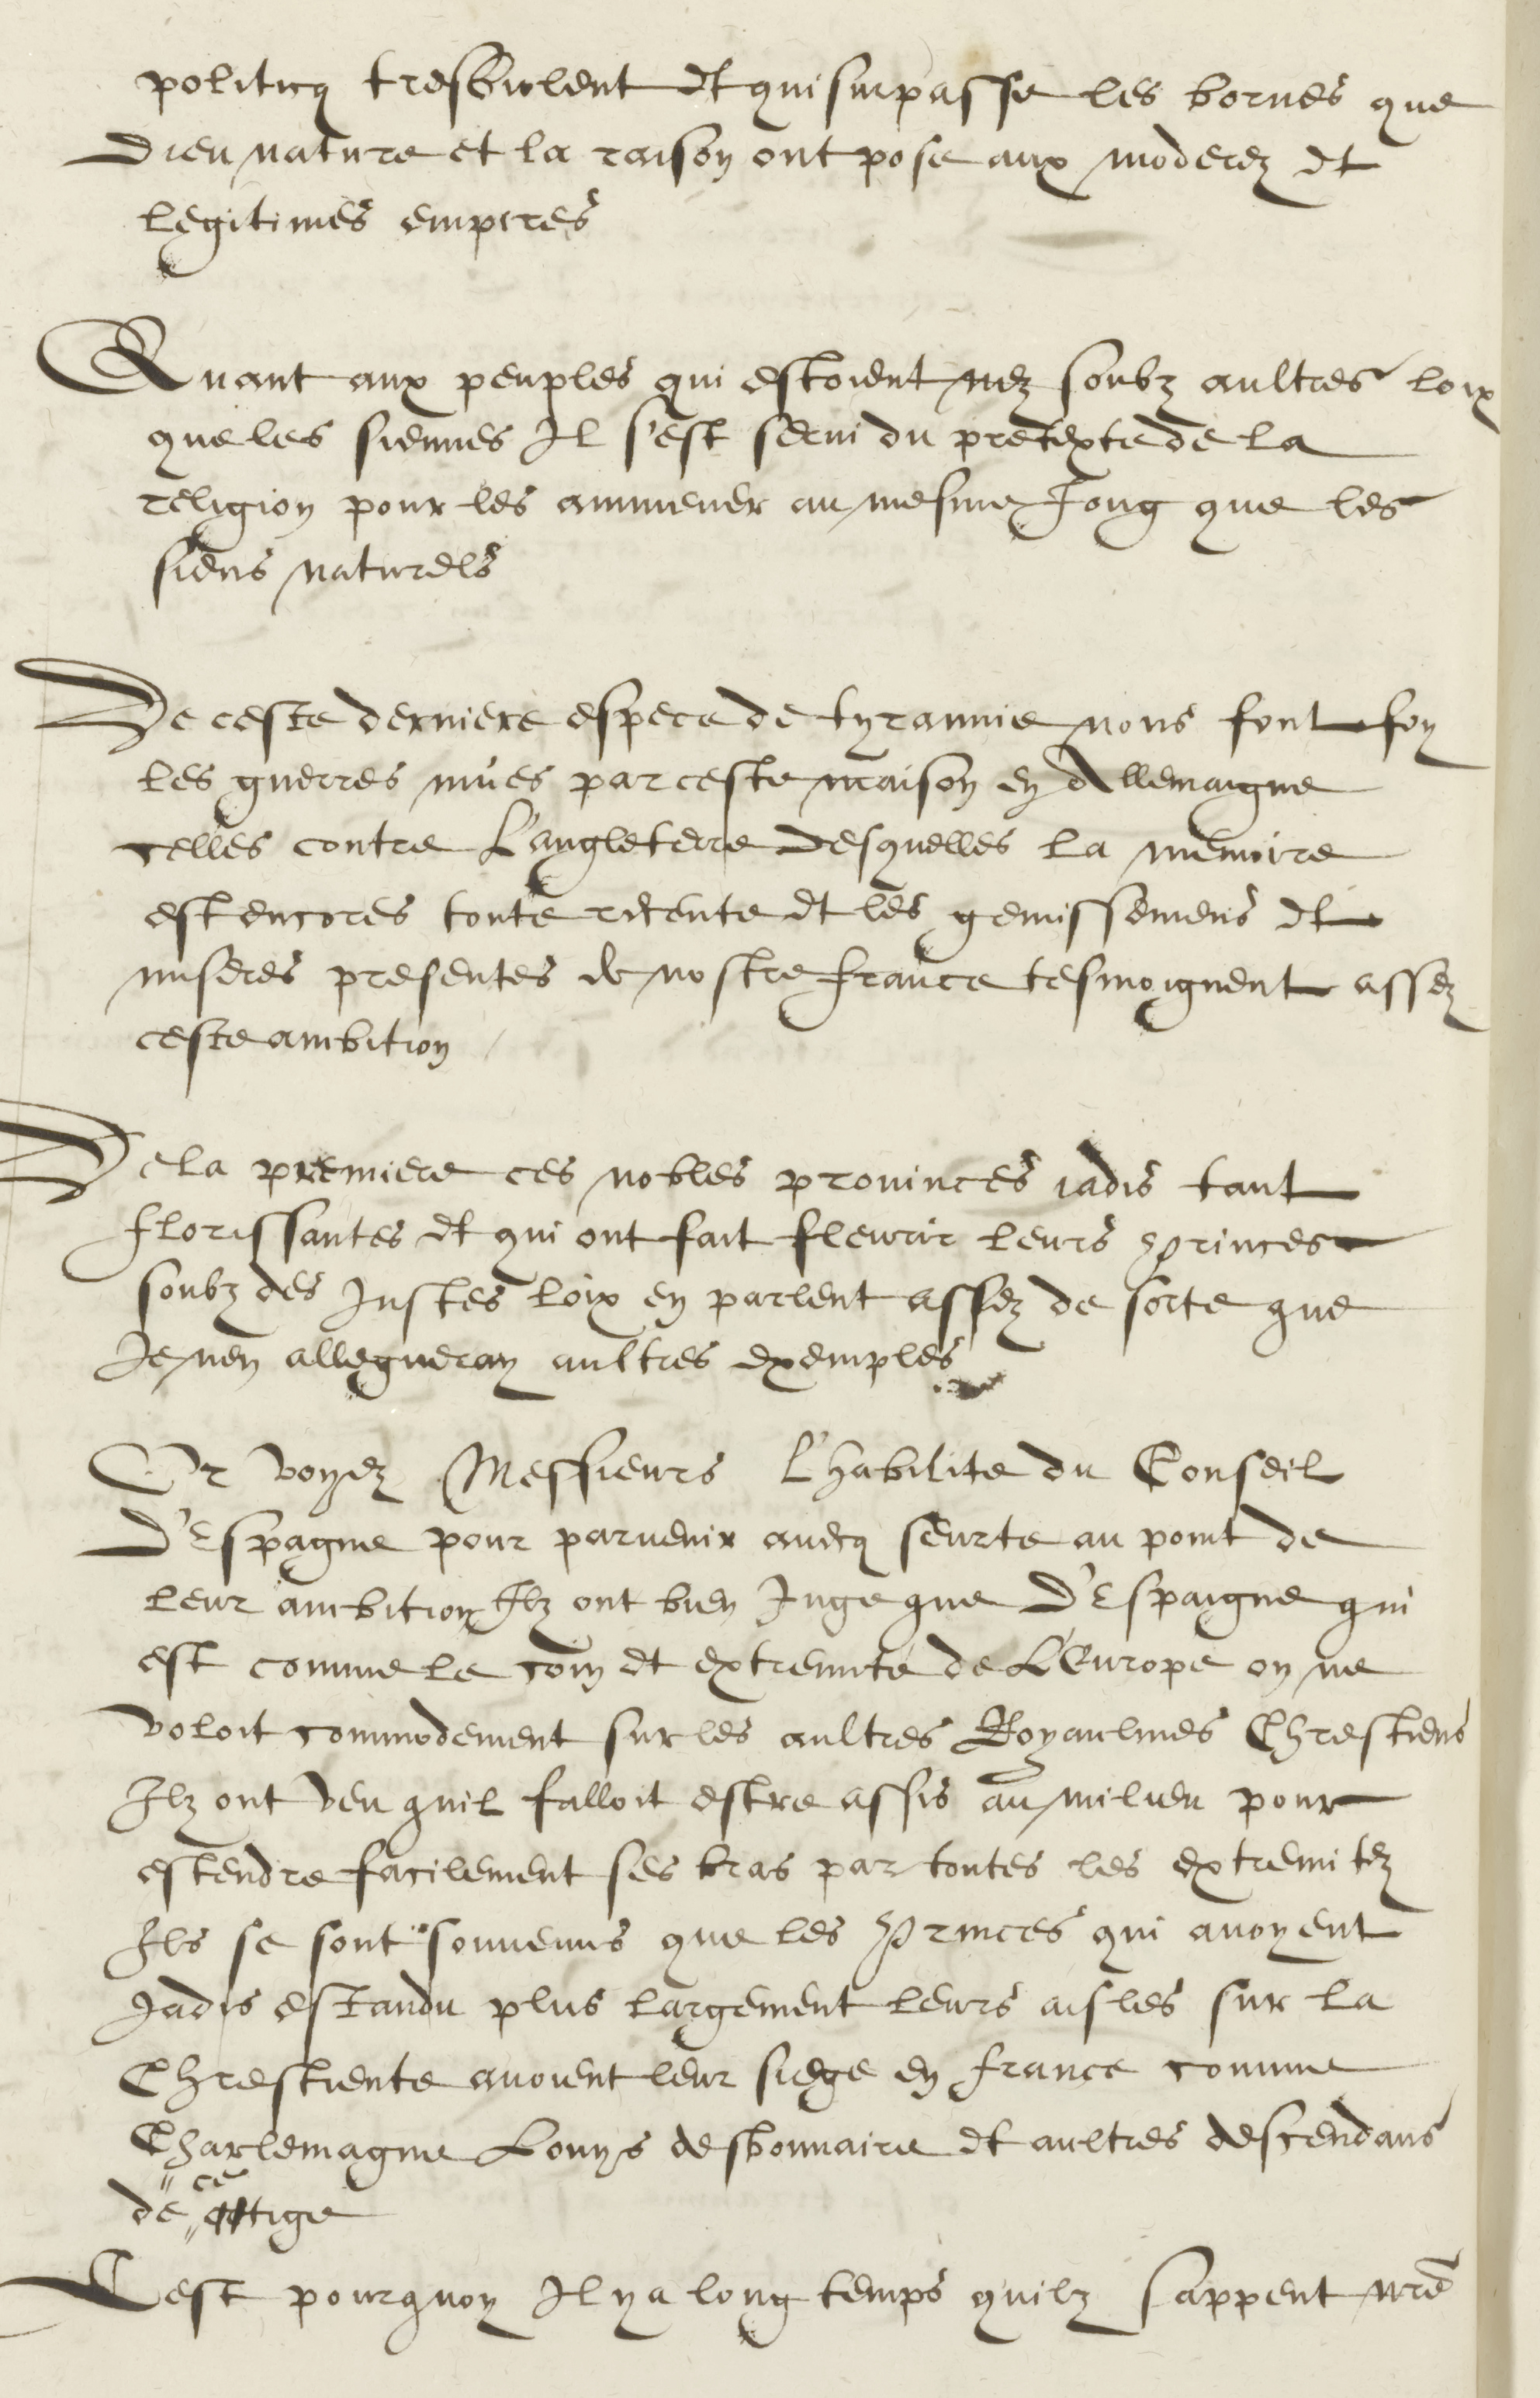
politicq tres violent et qui surpasse les bornes que
Dieu nature et la raison ont pose aux moderez et
legitimes empires
Quant aux peuples qui estoient nez soubz aultres loix
que les siennes il s'est serui du pretexte de la
religion pour les ammener au mesme Jong que les
siens naturels
De ceste derniere espece de tyrannie nous font foy
les guerres mues par ceste maison en Allemaigne
celles contre L‛angletere desquelles la memoire
est encores toute recente et les gemissemens et
miseres presentes de nostre France tesmoignent assez
ceste ambition
Dela premiere ces nobles prouinces iadis tant
florissantes et qui ont fait fleurir leurs Princes
soubz des justes loix en parlent assez de sorte que
je nen allegueray aultres exemples
Or voyez messieurs l‛habilite du Conseil
D‛Espagne pour paruenir aueq seurte au point de
leur ambition Ilz ont bien juge que D‛espaigne qui
est comme le coin et extremité de L‛Europe on ne
voloit commodement sur les aultres Royaulmes Chrestiens
Ilz ont veu quil falloit estre assis au milieu pour
estendre facilement ses bras par toutes les extremitez
Ils se sont souuenus que les Princes qui auoyent
jadis estandu plus largement leurs aisles sur la
Chrestiente auoient leur siege en france comme
Charlemagne Louys des bonnaire et aultres descendans
”ce
de„ attige
Cest pourquoy il y a long temps q‛uilz sappent nre
